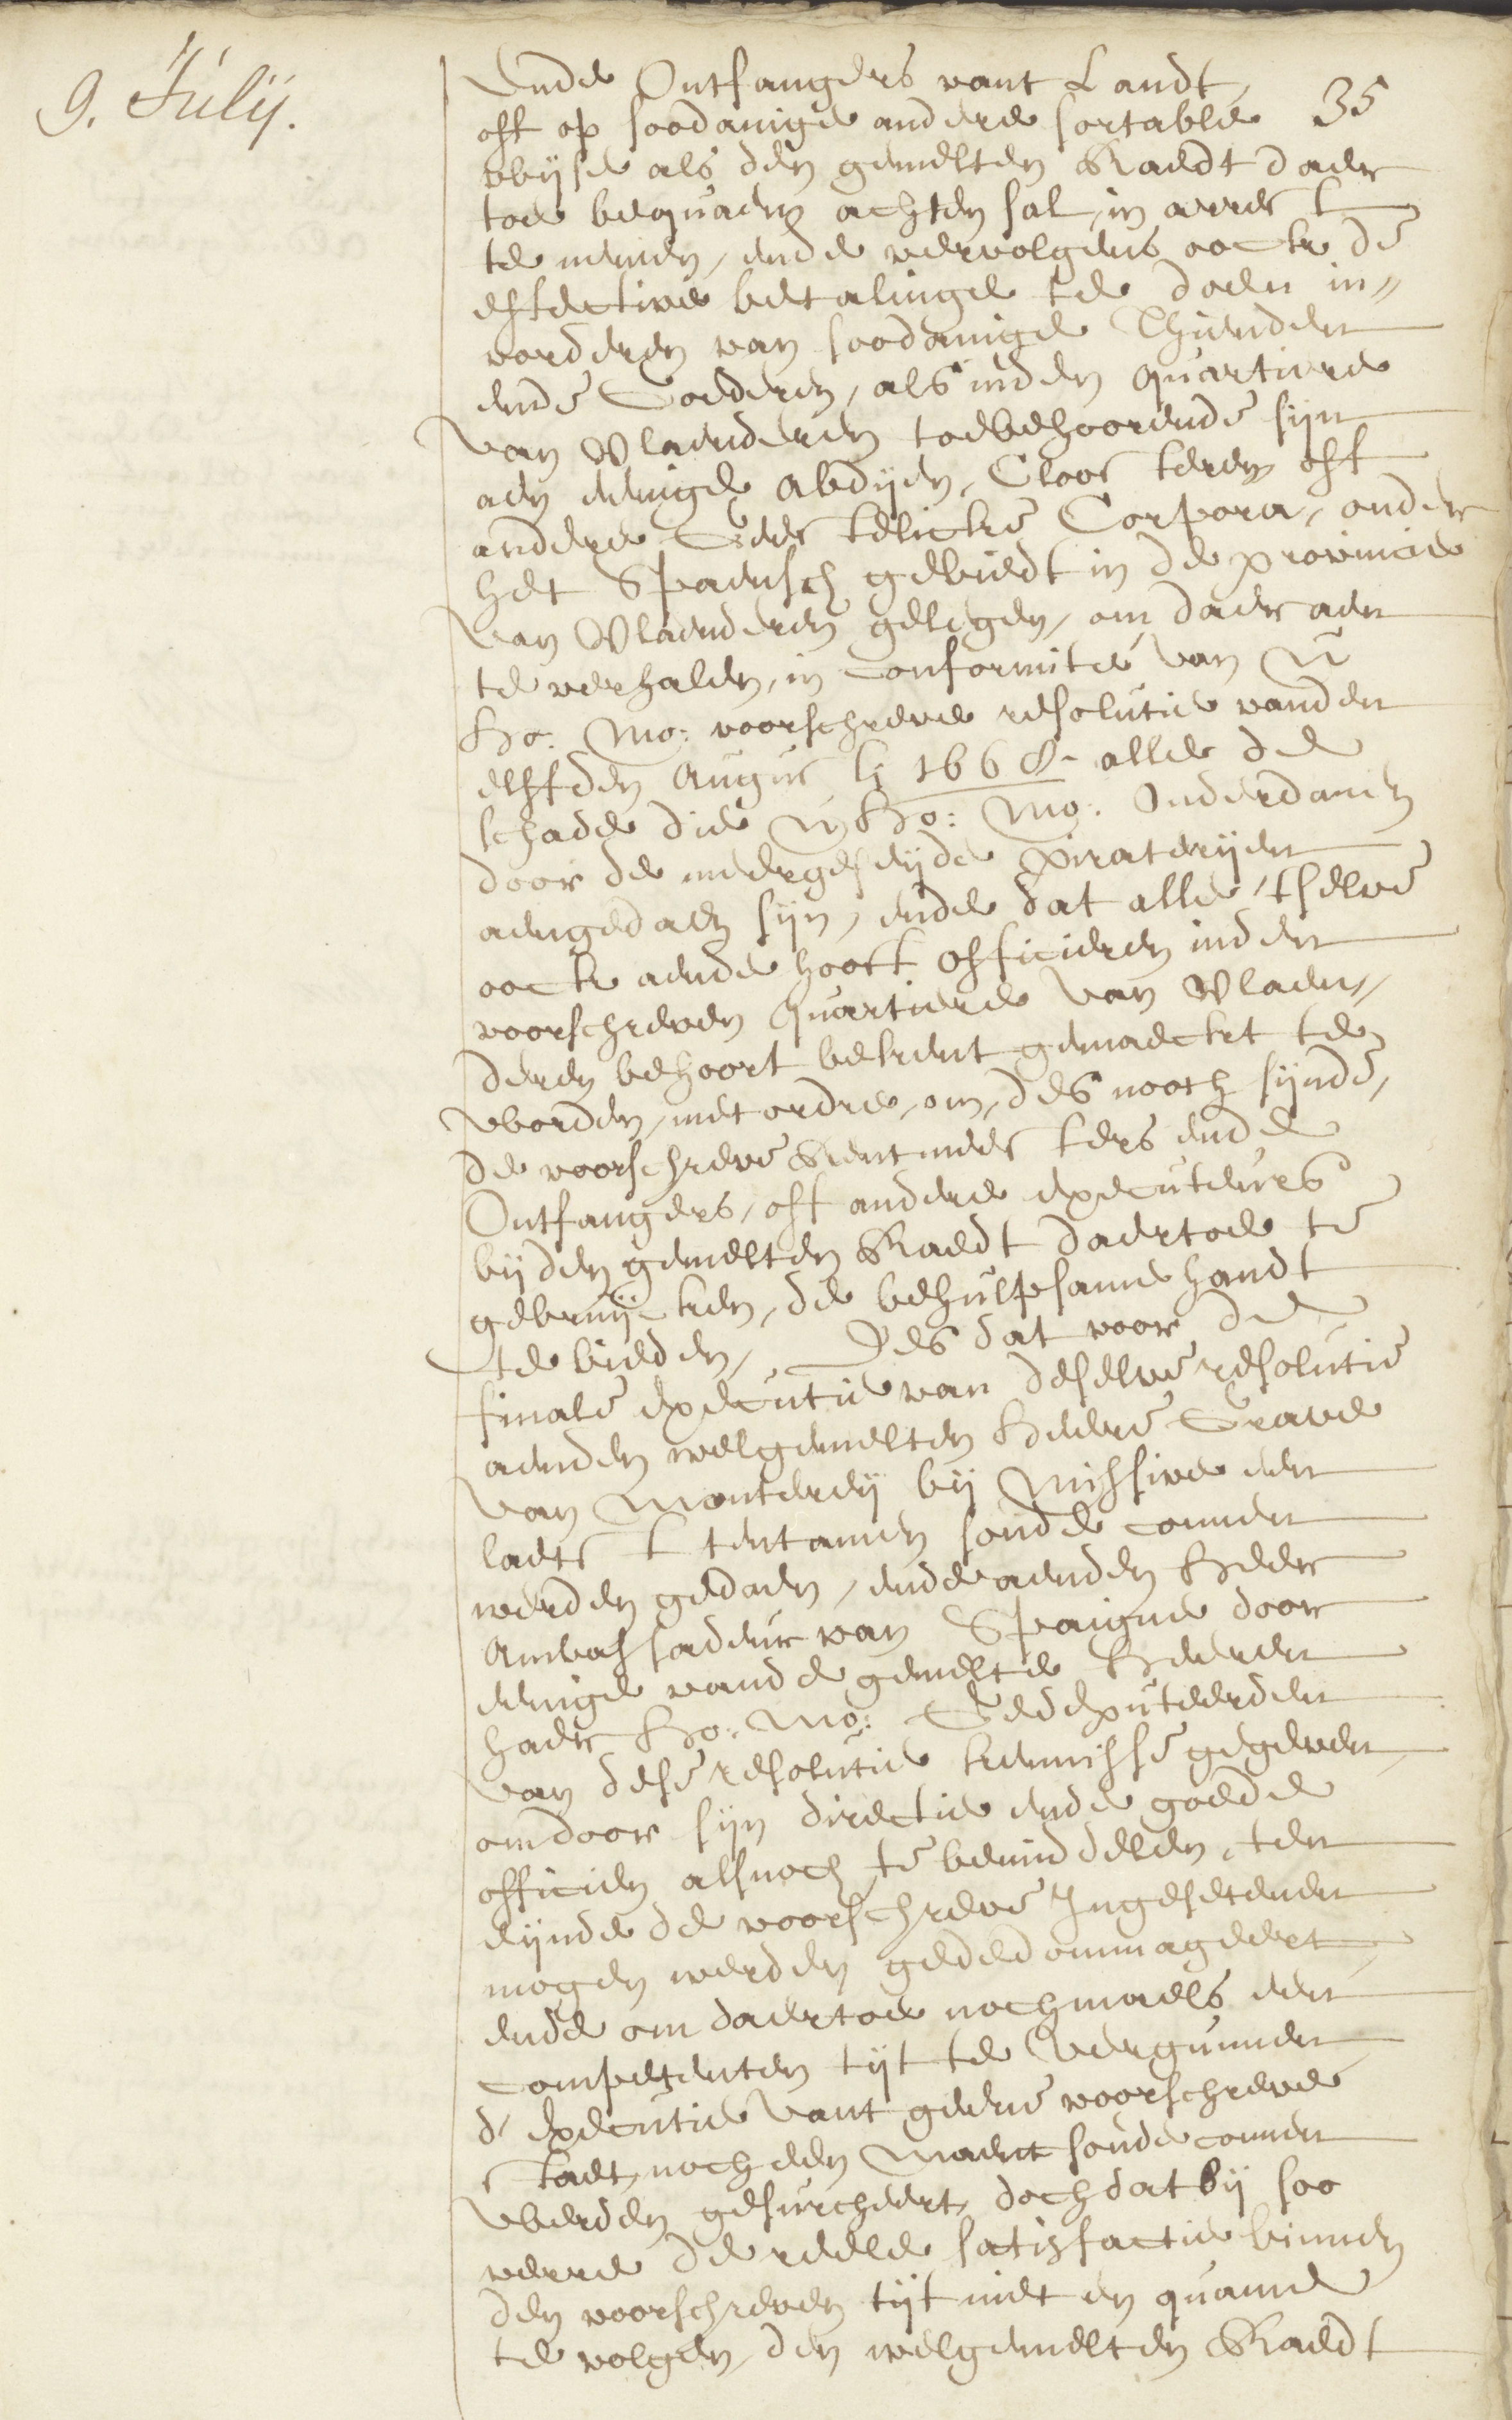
35
9. Julij.
Ende Ontfangers vant Landt,
off op soodanige andere sortable
wijse als den gemelten Raedt daer
toe bequam achten sal, in arrest
te nemen, ende vervolgens oock de
effective betalinge te doen in„
vorderen van soodanige Thienden
ende Goederen als inden quartiere
van Vlaenderen toebehoorende sijn
aen eenige abdijen, Cloosteren off
andere Geestelicke Corpora, onder
het Spaensch gebiedt in de provincie
van Vlaenderen gelegen, om daeraen
te verhalen, in conformité van U
Ho:Mo: voorschreve resolutie vanden
elffden Augusti 1668, alle de
schade die U Ho:Mo: Onderdanen
door de meergeseijde piraterijen
aengedaen sijn, ende dat alle ‛tselve
oock aende hooft Officieren inden
voorschreven Quartiere van Vlaen„
deren behoort bekent gemaeckt te
worden, met ordre, om, des nooth sijnde,
de voorschreve Rentmeesters ende
Ontfangers oft andere executeurs
bij den gemelten Raedt daertoe te
gebruijcken, de behulpsame handt
te bieden. Des dat voor de
finale executie van deselve resolutie
aenden welgemelten Heere Grave
van Montereij bij Missive den
laetst tentamen soude connen
werden gedaen, ende aenden Heer
Ambassadeur van Spaignie door
eenige vande gemelte Heeren
haer Ho:Mo: Gedeputeerden
van dese resolutie kennisse gegeven
om door sijn directie ende goede
officien alsnoch te bemiddelen, ten
eijnde de voorschreve Ingesetenen
mogen werden gededommageert
ende om daertoe nochmaels een
competenten tijt te vergunnen
d‛executie vant geene voorschreve
staet, noch een maent soude connen
werden gesurcheert, doch dat bij soo
verre de veele satisfactie binnen
den voorschreven tijt niet en quame
te volgen, den welgemelten Raedt
